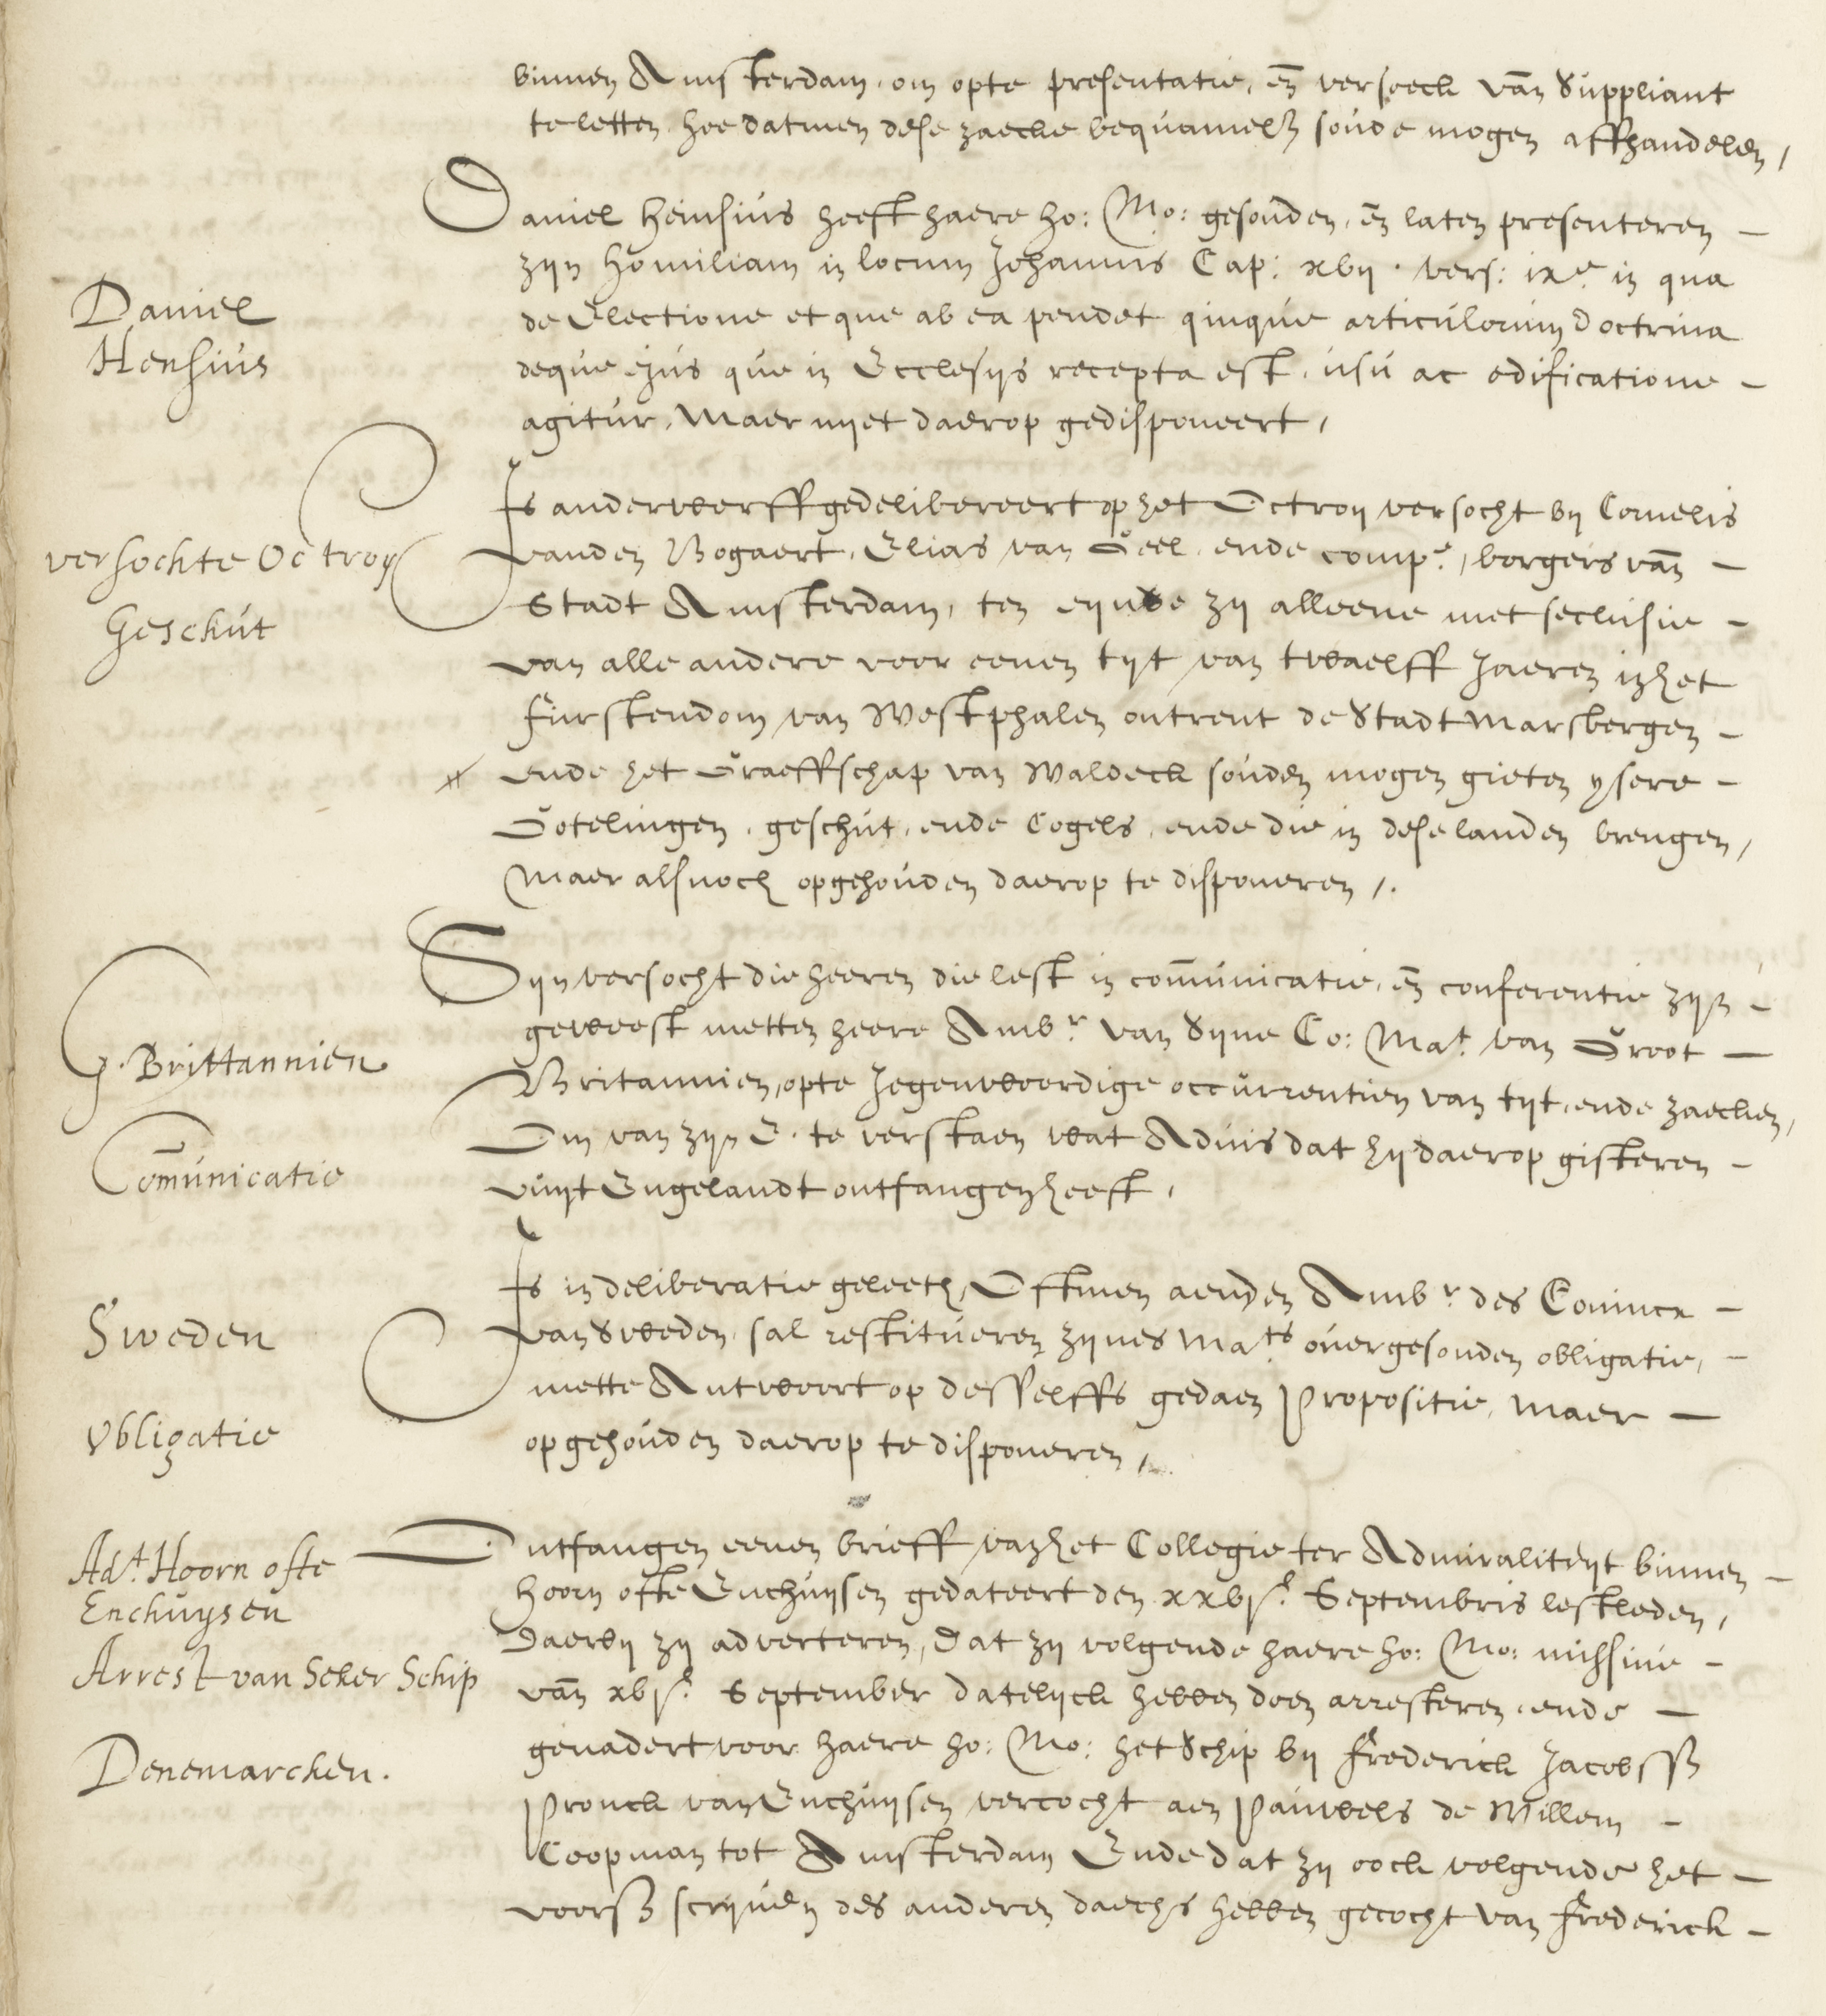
binnen Amsterdam, om opte presentatie, en versoeck van Suppliant
te letten, hoe datmen dese zaecke bequamel soude mogen affhandelen.
Daniel
Hensius
Daniel heinsius heeft haere ho:Mo: gesonden, en laten presenteren -
zijn homiliam in locum Johannis Cap: xvij vers: ixe in qua
de Electione et que ab ea pendet qinque articulorum doctrina
deque ejus que in Ecclesys recepta est usu ac edificatione
agitur. Maer nyet daerop gedisponeert.
versochte Octroy
Geschut
Is anderwerff gedelibereert op het Octroy versocht by Cornelis
vanden Bogaert, Elias van Geel, ende compe., borgers van
Stadt Amsterdam, ten eynde zy alleene met seclusie
van alle andere voor eenen tyt van twaelff Jaeren in het
furstendom van Westphalen ontrent de Stadt marsbergen -
ende het Graeffschap van Waldeck souden mogen gieten ysere
Gotelingen, geschut, ende Cogels, ende die in dese landen brengen,
maer alsnoch opgehouden daerop te disponeren.
G. Brittannien
Comunicatie
Syn versocht die heeren die lest in comunicatie, en conferentie zijn -
geweest metten heere Ambr. van Syne Co: Mat. van Groot —
Britannien, opte Jegenwoordige occurrentien van tyt, ende zaecken
Om van zyn E. te verstaen wat Aduis dat hy daerop gisteren -
vuyt Engelandt ontfangen heeft.
Sweden
Obligatie
Is in deliberatie geleeth Offmen aenden Ambr. des Conincx -
van Sweden sal restitueren zynes mats. ouergesonden obligatie, -
mette Antwoort op desselffs gedaen Propositie, maer —
opgehouden daerop te disponeren.
Adt. Hoorn ofte
Enchuysen
Arrest van seker Schip
Denemarcken.
Ontfangen eenen brieff van het Collegie ter Admiraliteyt binnen
hoorn ofte Enchuysen gedateert den xxvje. Septembris lestleden,
Daerby zy adverteren, dat zy volgende haere ho:Mo: missive -
van xvje. september datelyck hebben doen arresteren, ende
genadert voor haere ho:Mo: het Schip by Frederick Jacobsz
Pronck van Enchuysen vercocht aen Pauwels de Willem
Coopman tot Amsterdam Ende dat zy oock volgende het —
voorsz scrijuen des anderen daechs hebben gecocht van Frederick —
